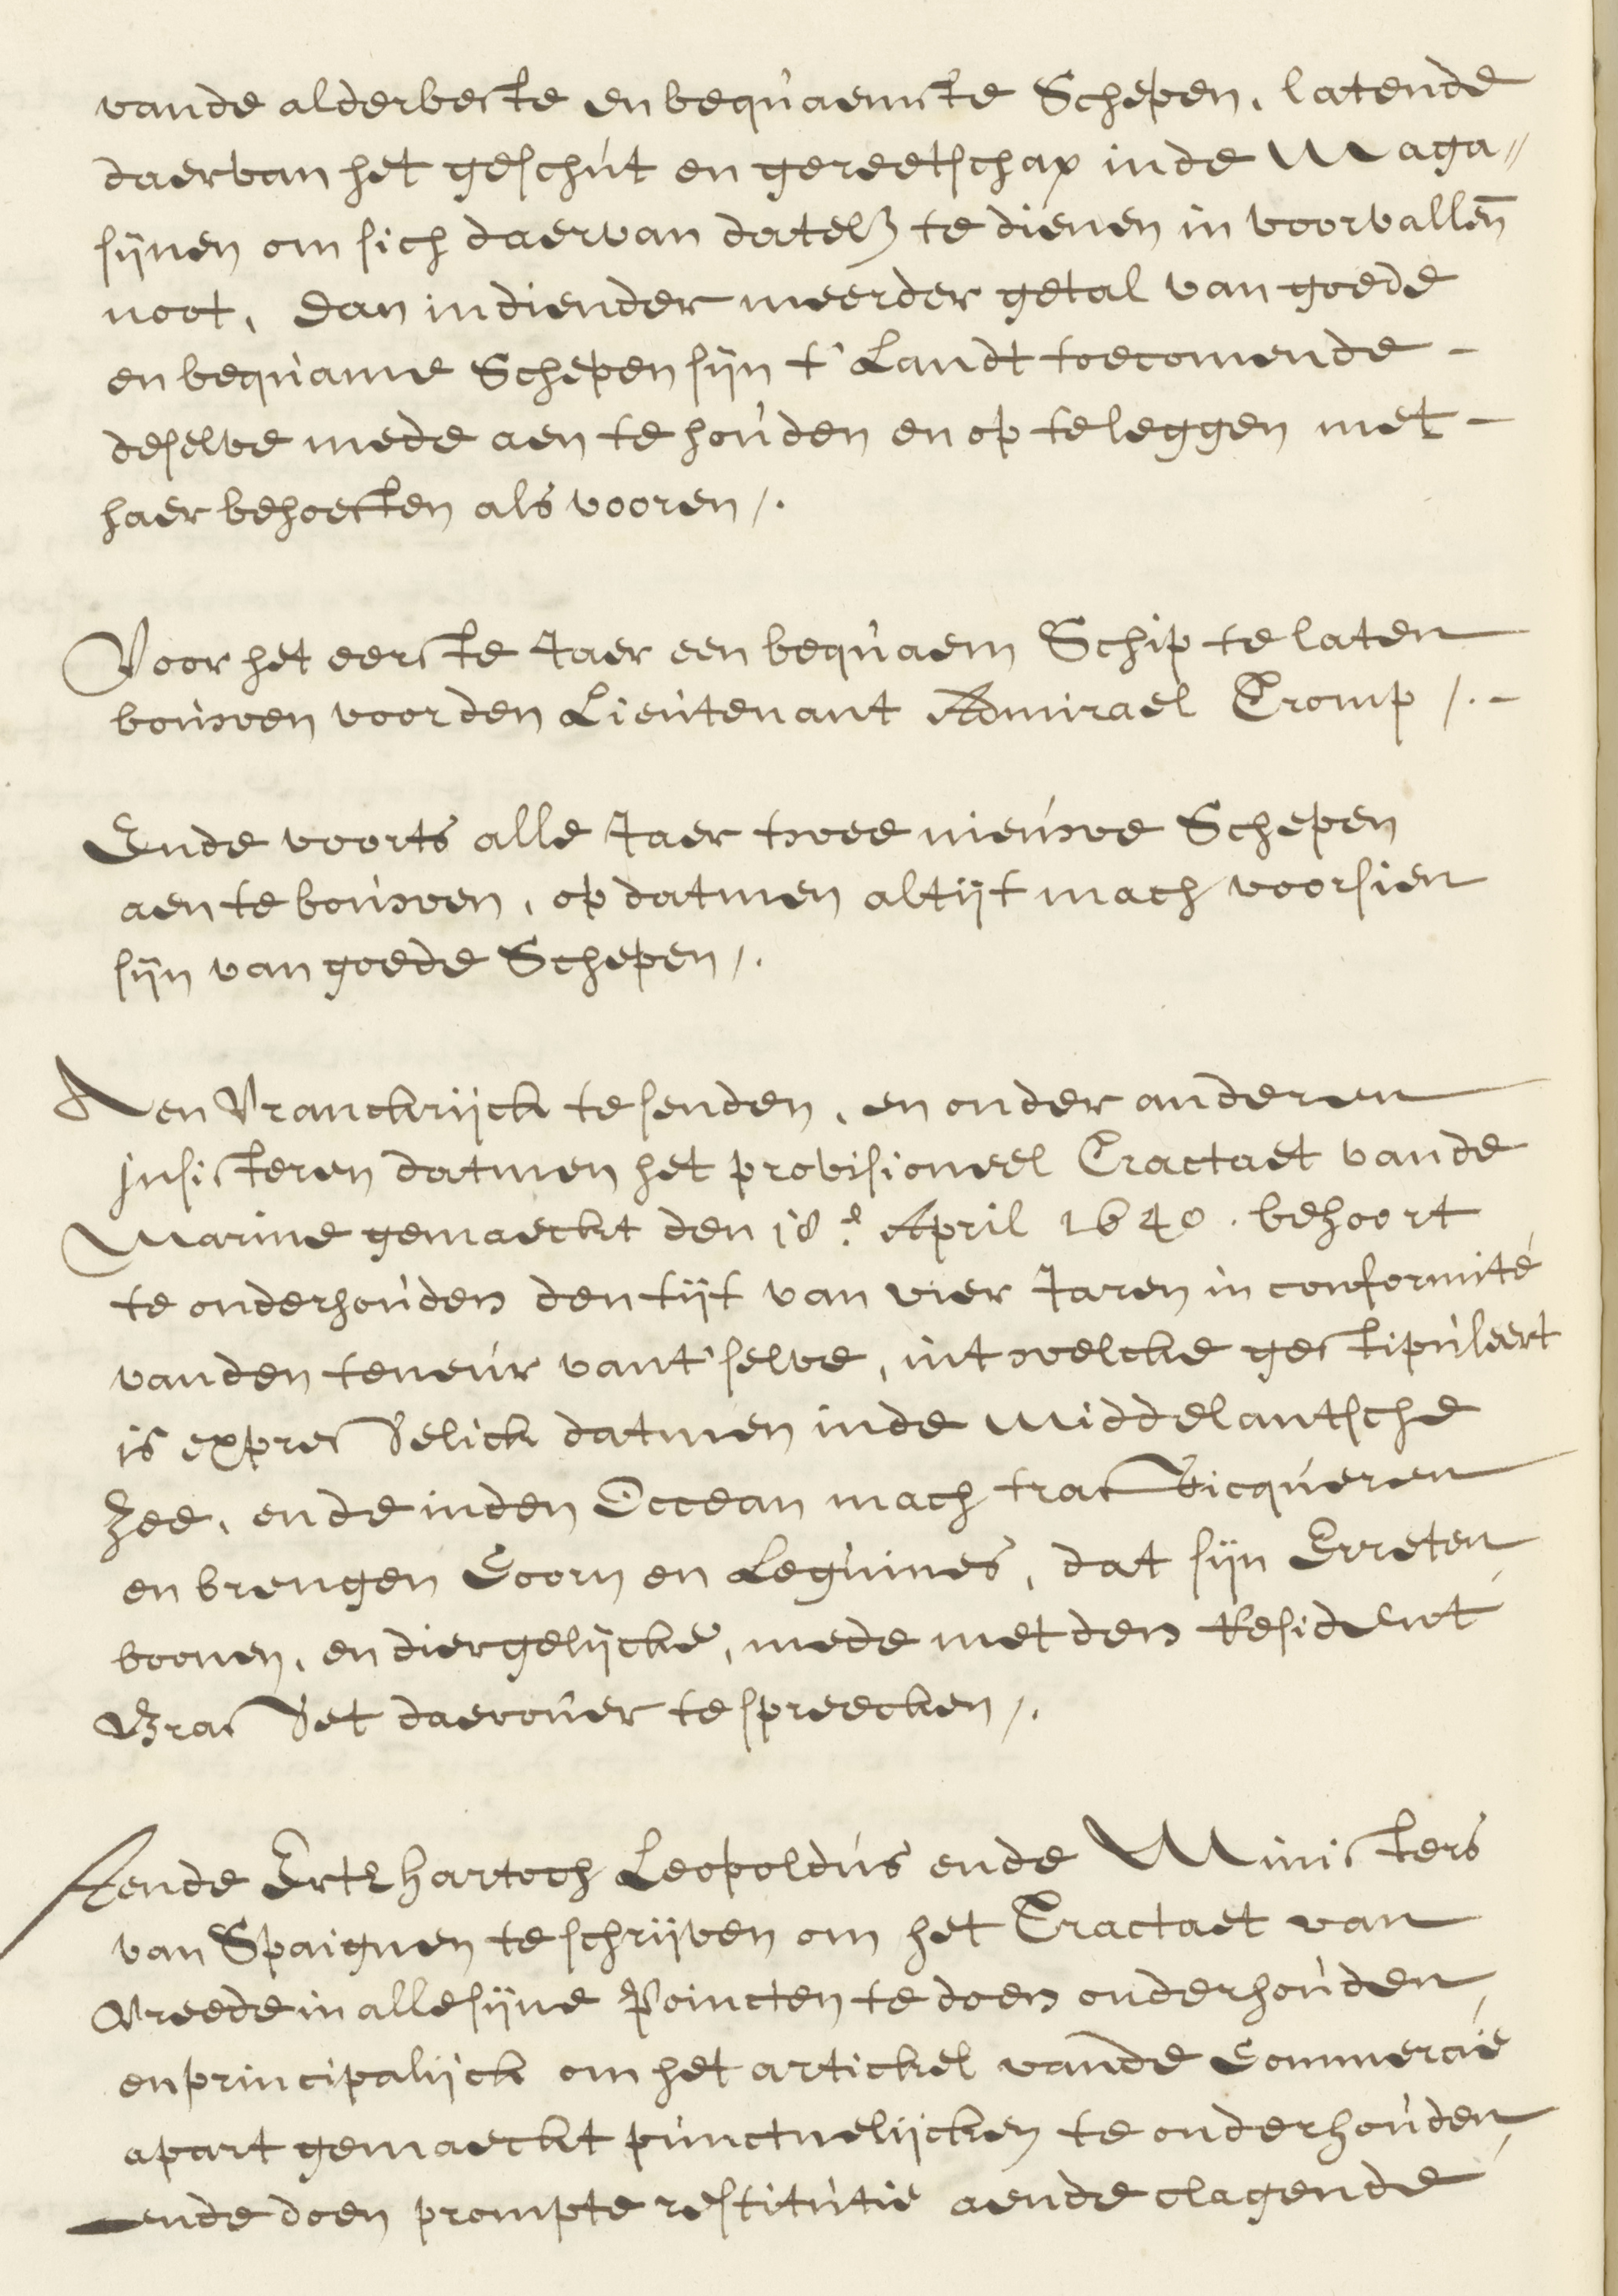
vande alderbeste en bequaemste Schepen, latende
daervan het geschut en gereetschap inde Maga„
sijnen om sich daervan datel te dienen in voorvallen
noot. Dan indiender meerder getal van goede
en bequame Schepen sijn t'Landt toecomende
deselve mede aen te houden en op te leggen met
haer behoeften als vooren.
Voor het eerste Jaer een bequaem Schip te laten
bouwen voor den Lieutenant Admirael Tromp. -
Ende voorts alle Jaer twee nieuwe Schepen
aen te bouwen, op datmen altijt mach voorsien
sijn van goede Schepen.
Aen Vranckrijck te senden, en onder anderen
insisteren datmen het provisioneel Tractaet vande
Marine gemaeckt den 18e. April 1640. behoort
te onderhouden den tijt van vier Jaren in conformité
vanden teneur vant' selve, int welcke gestipuleert
is expresselick datmen inde Middelantsche
zee, ende inden Occean mach trafficqueren
en brengen Coorn en Legumes, dat sijn Erreten
boonen, en diergelijcke, mede met den Resident
Brasset daerouer te spreecken.
Aende Ertzhartoch Leopoldus ende Ministers
van Spaignen te schrijven om het Tractaet van
Vreede in alle sijne Poincten te doen onderhouden,
en principalijck om het artickel vande Commercie
apart gemaeckt punctuelijcken te onderhouden
ende doen prompte restitutie aende clagende
